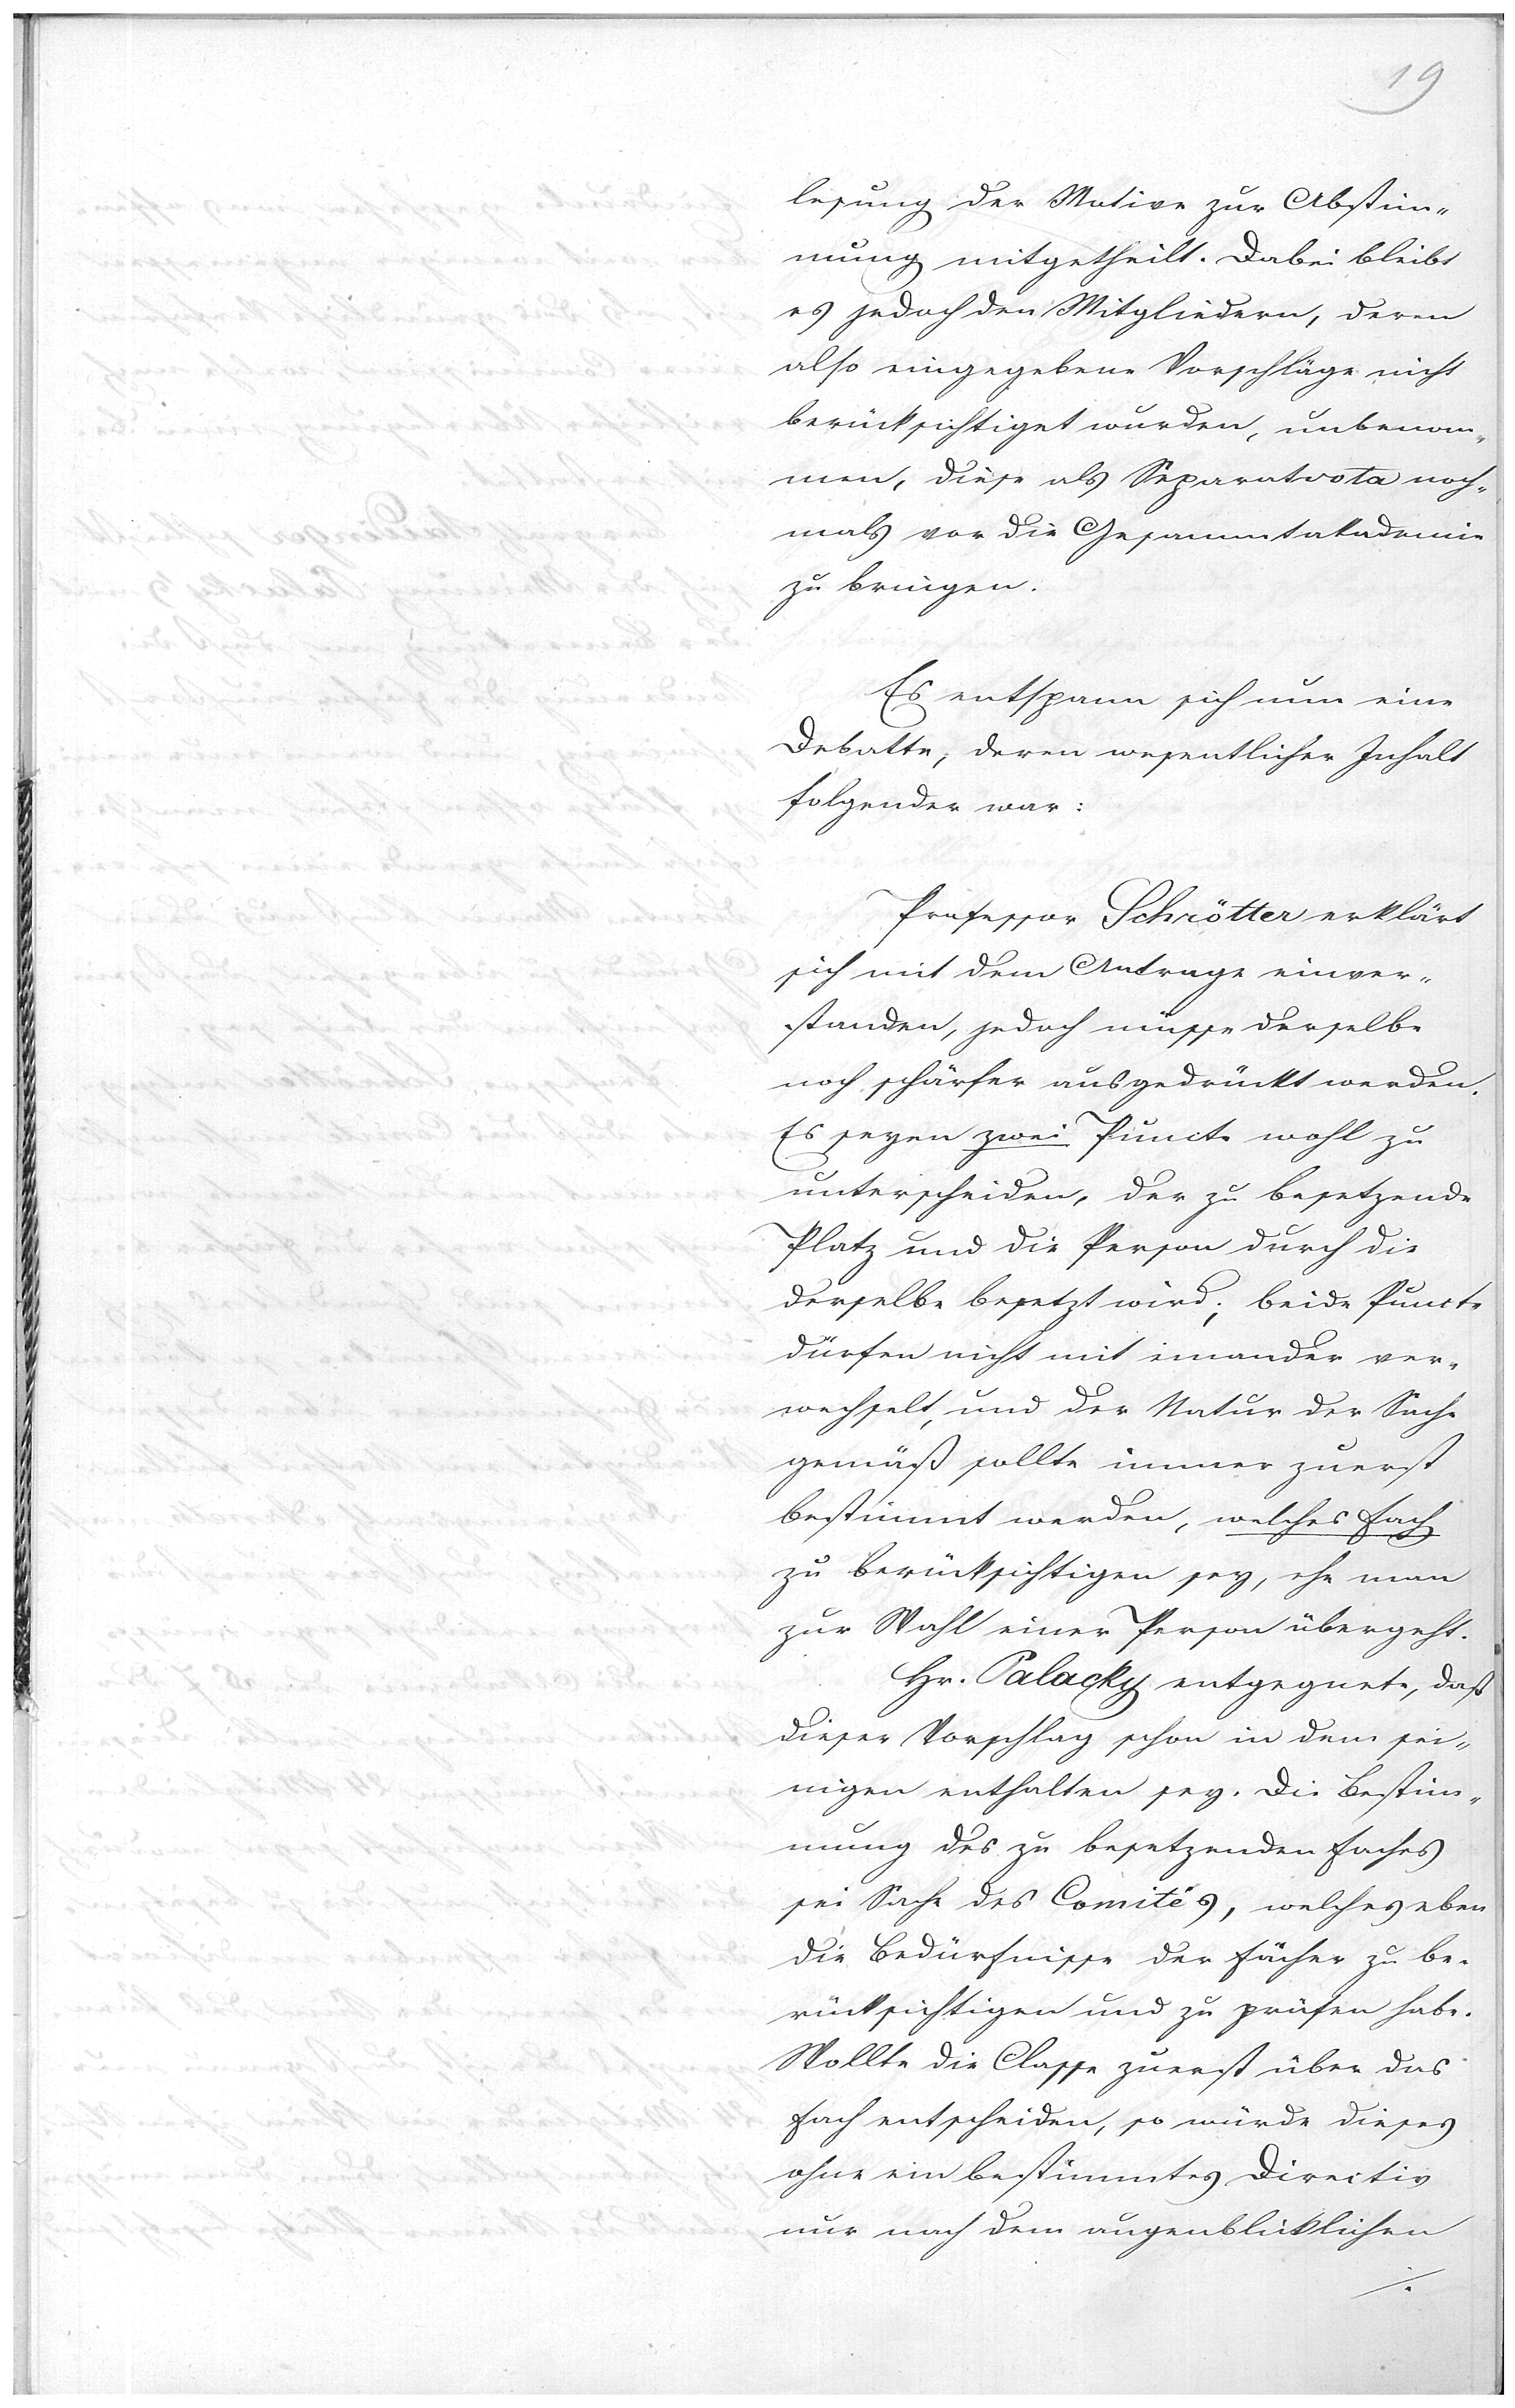lesung der Motive zur Abstim-
nung mitgetheilt. Dabei bleibt
es jedoch den Mitgliedern, deren
also eingegebene Vorschläge nicht
berücksichtiget wurden, unbenom-
men, diese als Separatvota noch-
mals vor die Gesammtakademie
zu bringen.
Es entspann sich nun eine
Debatte, deren wesentlicher Inhalt
folgender war:
Professor Schrötter erklärt
sich mit den Antrage einver-
standen, jedoch müsse derselbe
noch schärfer ausgedrückt werden.
Es seyen zwei Puncte wohl zu
unterscheiden, der zu besetzende
Platz und die Person durch die
derselbe besetzt wird; beide Puncte
dürfen nicht mit einander ver-
wechselt, und der Natur der Sache
gemäß sollte immer zuerst
bestimmt werden, welches Fach
zu berücksichtigen sey, ehe man
zur Wahl einer Person übergeht.
Hr. Palacky entgegnete, daß
dieser Vorschlag schon in dem sei-
nigen enthalten sey. Die Bestim-
mung des zu besetzenden Faches
sei Sache des Comité's, welches eben
die Bedürfnisse der Fächer zu be-
rücksichtigen und zu prüfen habe.
Wollte die Classe zuerst über das
Fach entscheiden, so würde dieses
ohne ein bestimmtes Directiv
nur nach dem augenblicklichen